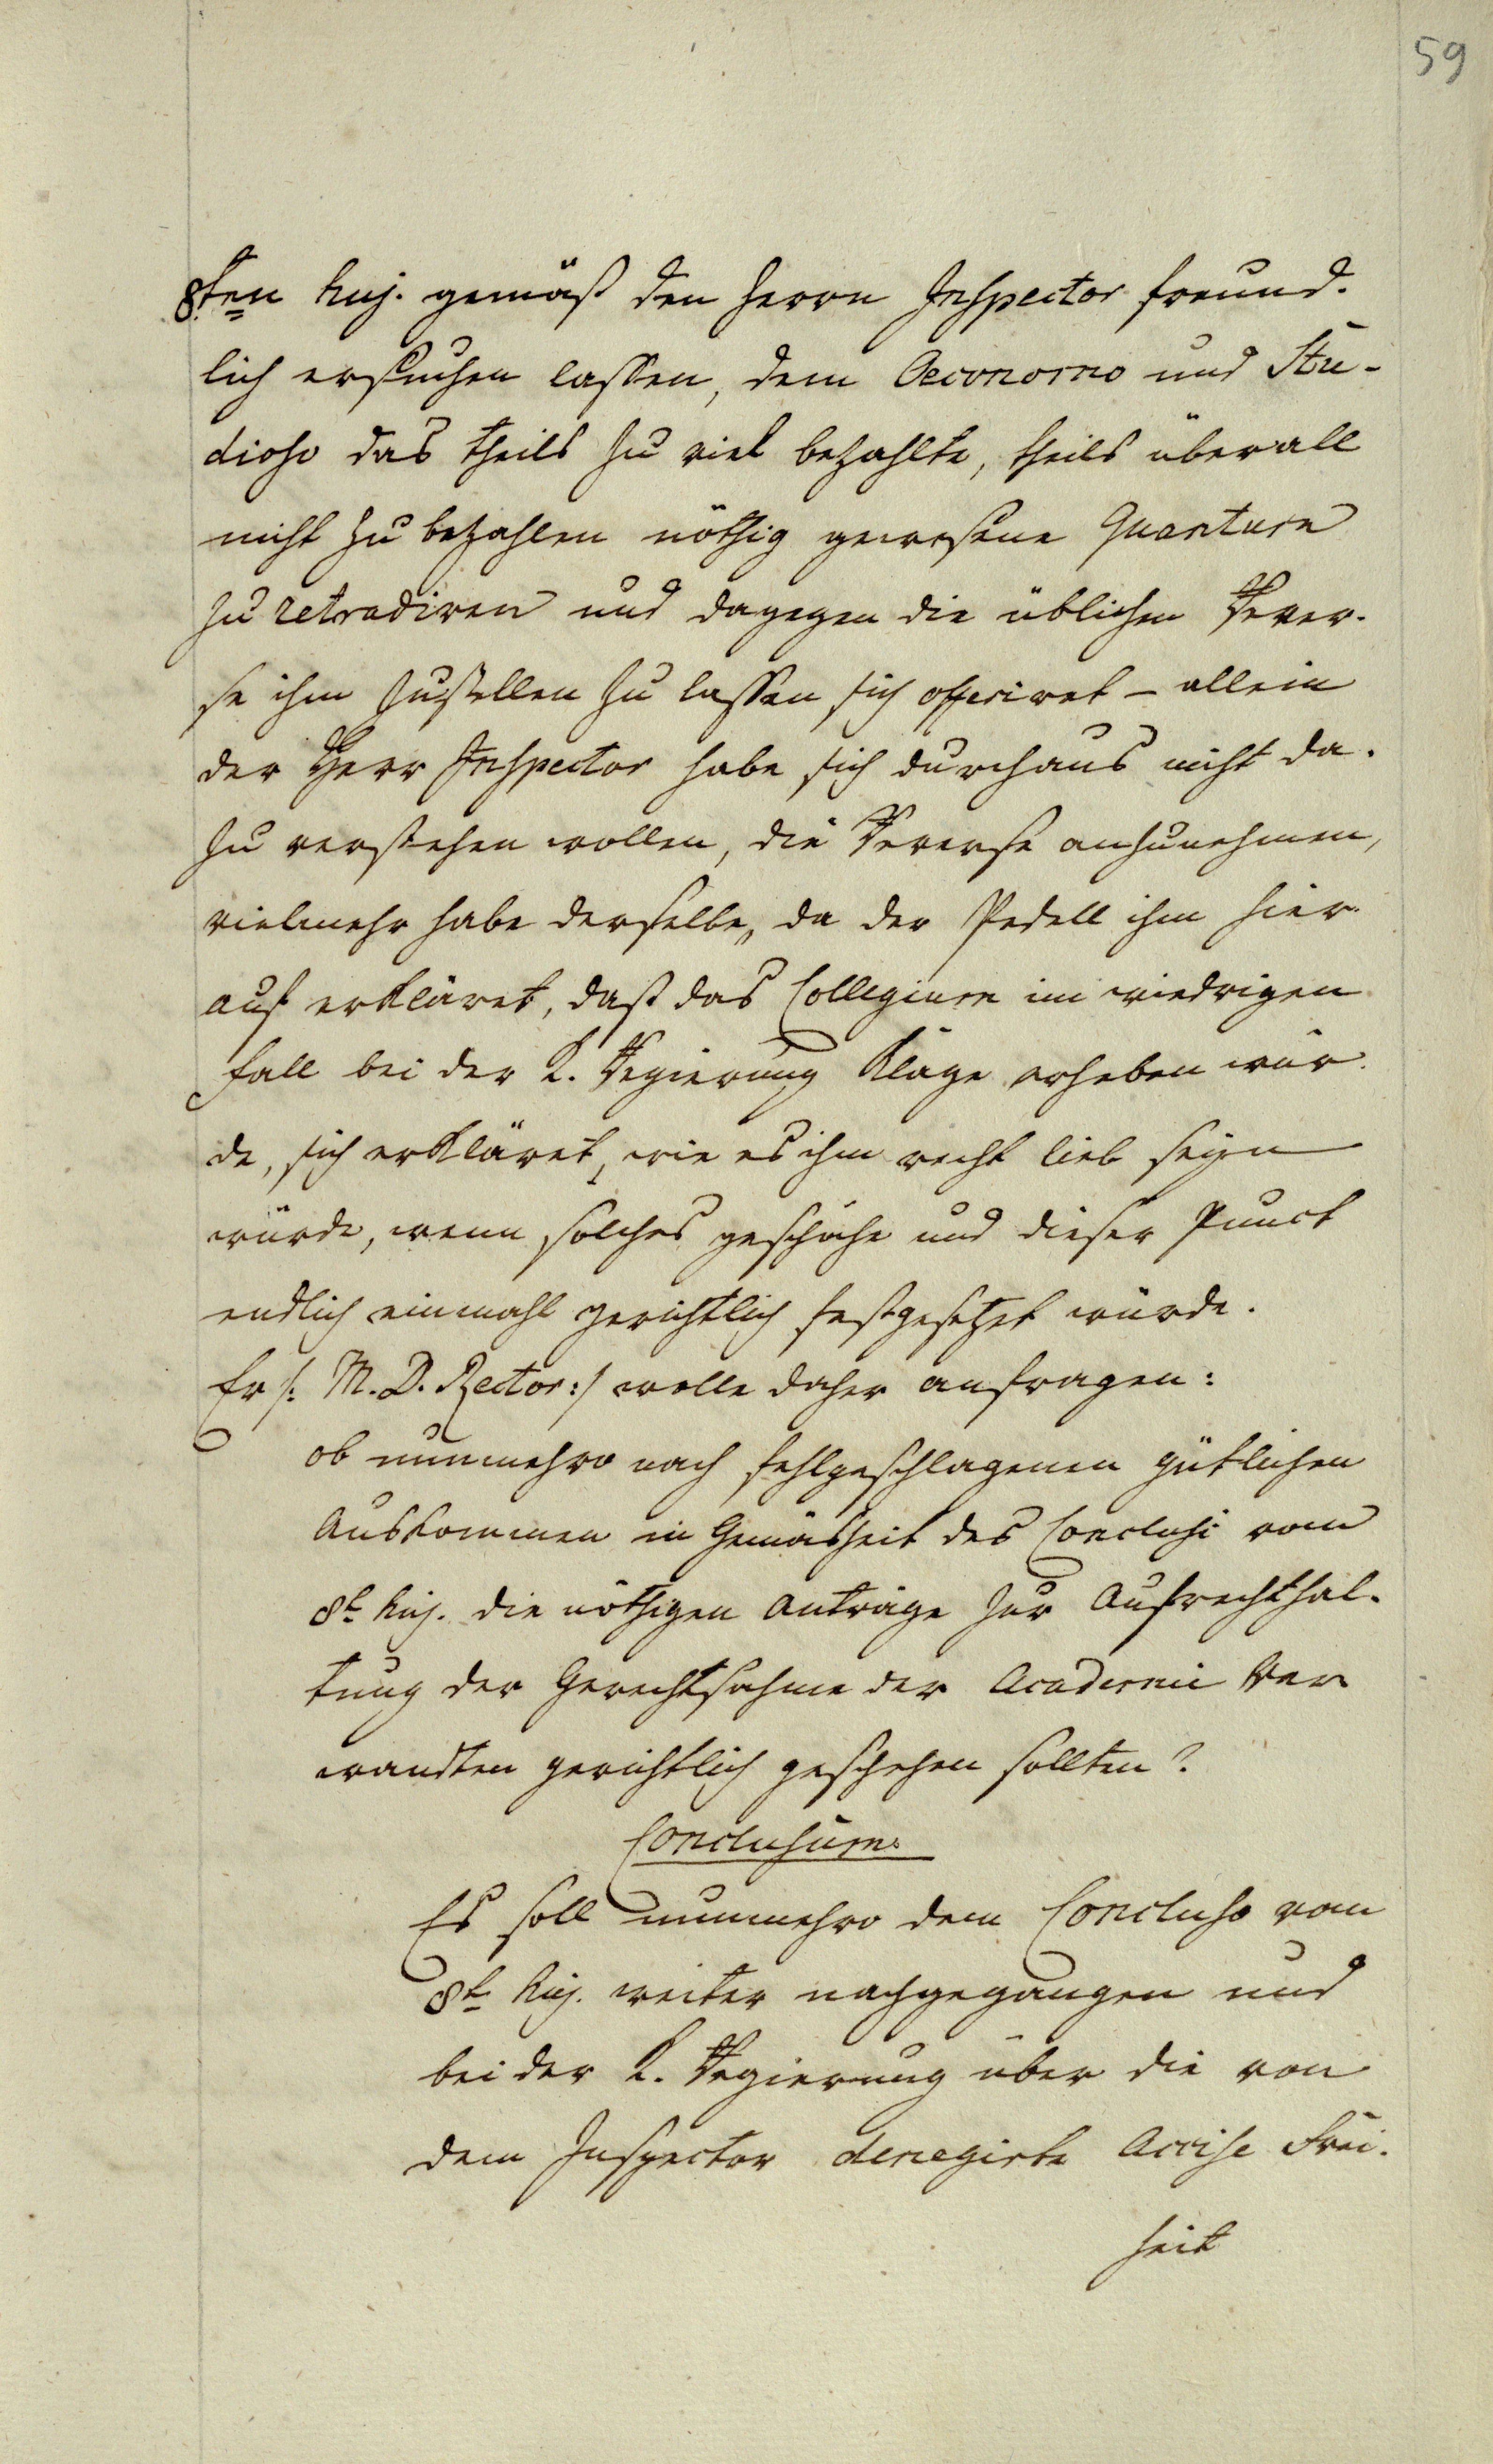8 ten huj. gemäß den Herrn Inspector freund¬
lich ersuchen lassen, dem Oeconomo und Stu¬
dioso das theils zu viel bezahlte, theils überall
nicht zu bezahlen nöthig gewesene Quantum
zu retradien und dagegen die üblichen Rever¬
se ihm zustellen zu lassen sich offeriret allein
der Herr Inspector habe sich durchaus nicht da¬
zu verstehen wollen, die Reverse anzunehmen,
vielmehr habe derselbe, da der Pedell ihm hier¬
auf erkläret, daß das Collegium in wiedrigen
Fall bei der K. Regierung Klage erheben wür¬
de, sich erkläret, wie es ihm recht lieb sein
würde, wenn solches geschähe und dieser Punct
endlich einmahl gerichtlich festgesetzet würde.
Er /: M. D. Rector :/ wolle daher anfragen:
ob nunmehro nach fehlgeschlagenen gütlichen
Auskommen in Gemäsheit des Conclusi vom
8 t huj. die nöthigen Anträge zur Aufrechthal¬
tung der Gerechtsahme der Academie er
wandten gerichtlich geschehen sollten?
Conclusum.
Es sonmmehro dem Concluso vom
8 huj. weiter nachgegangen und
bei der K. Regierung über die von
dem Inspector denegirte Accise Frei¬
heit